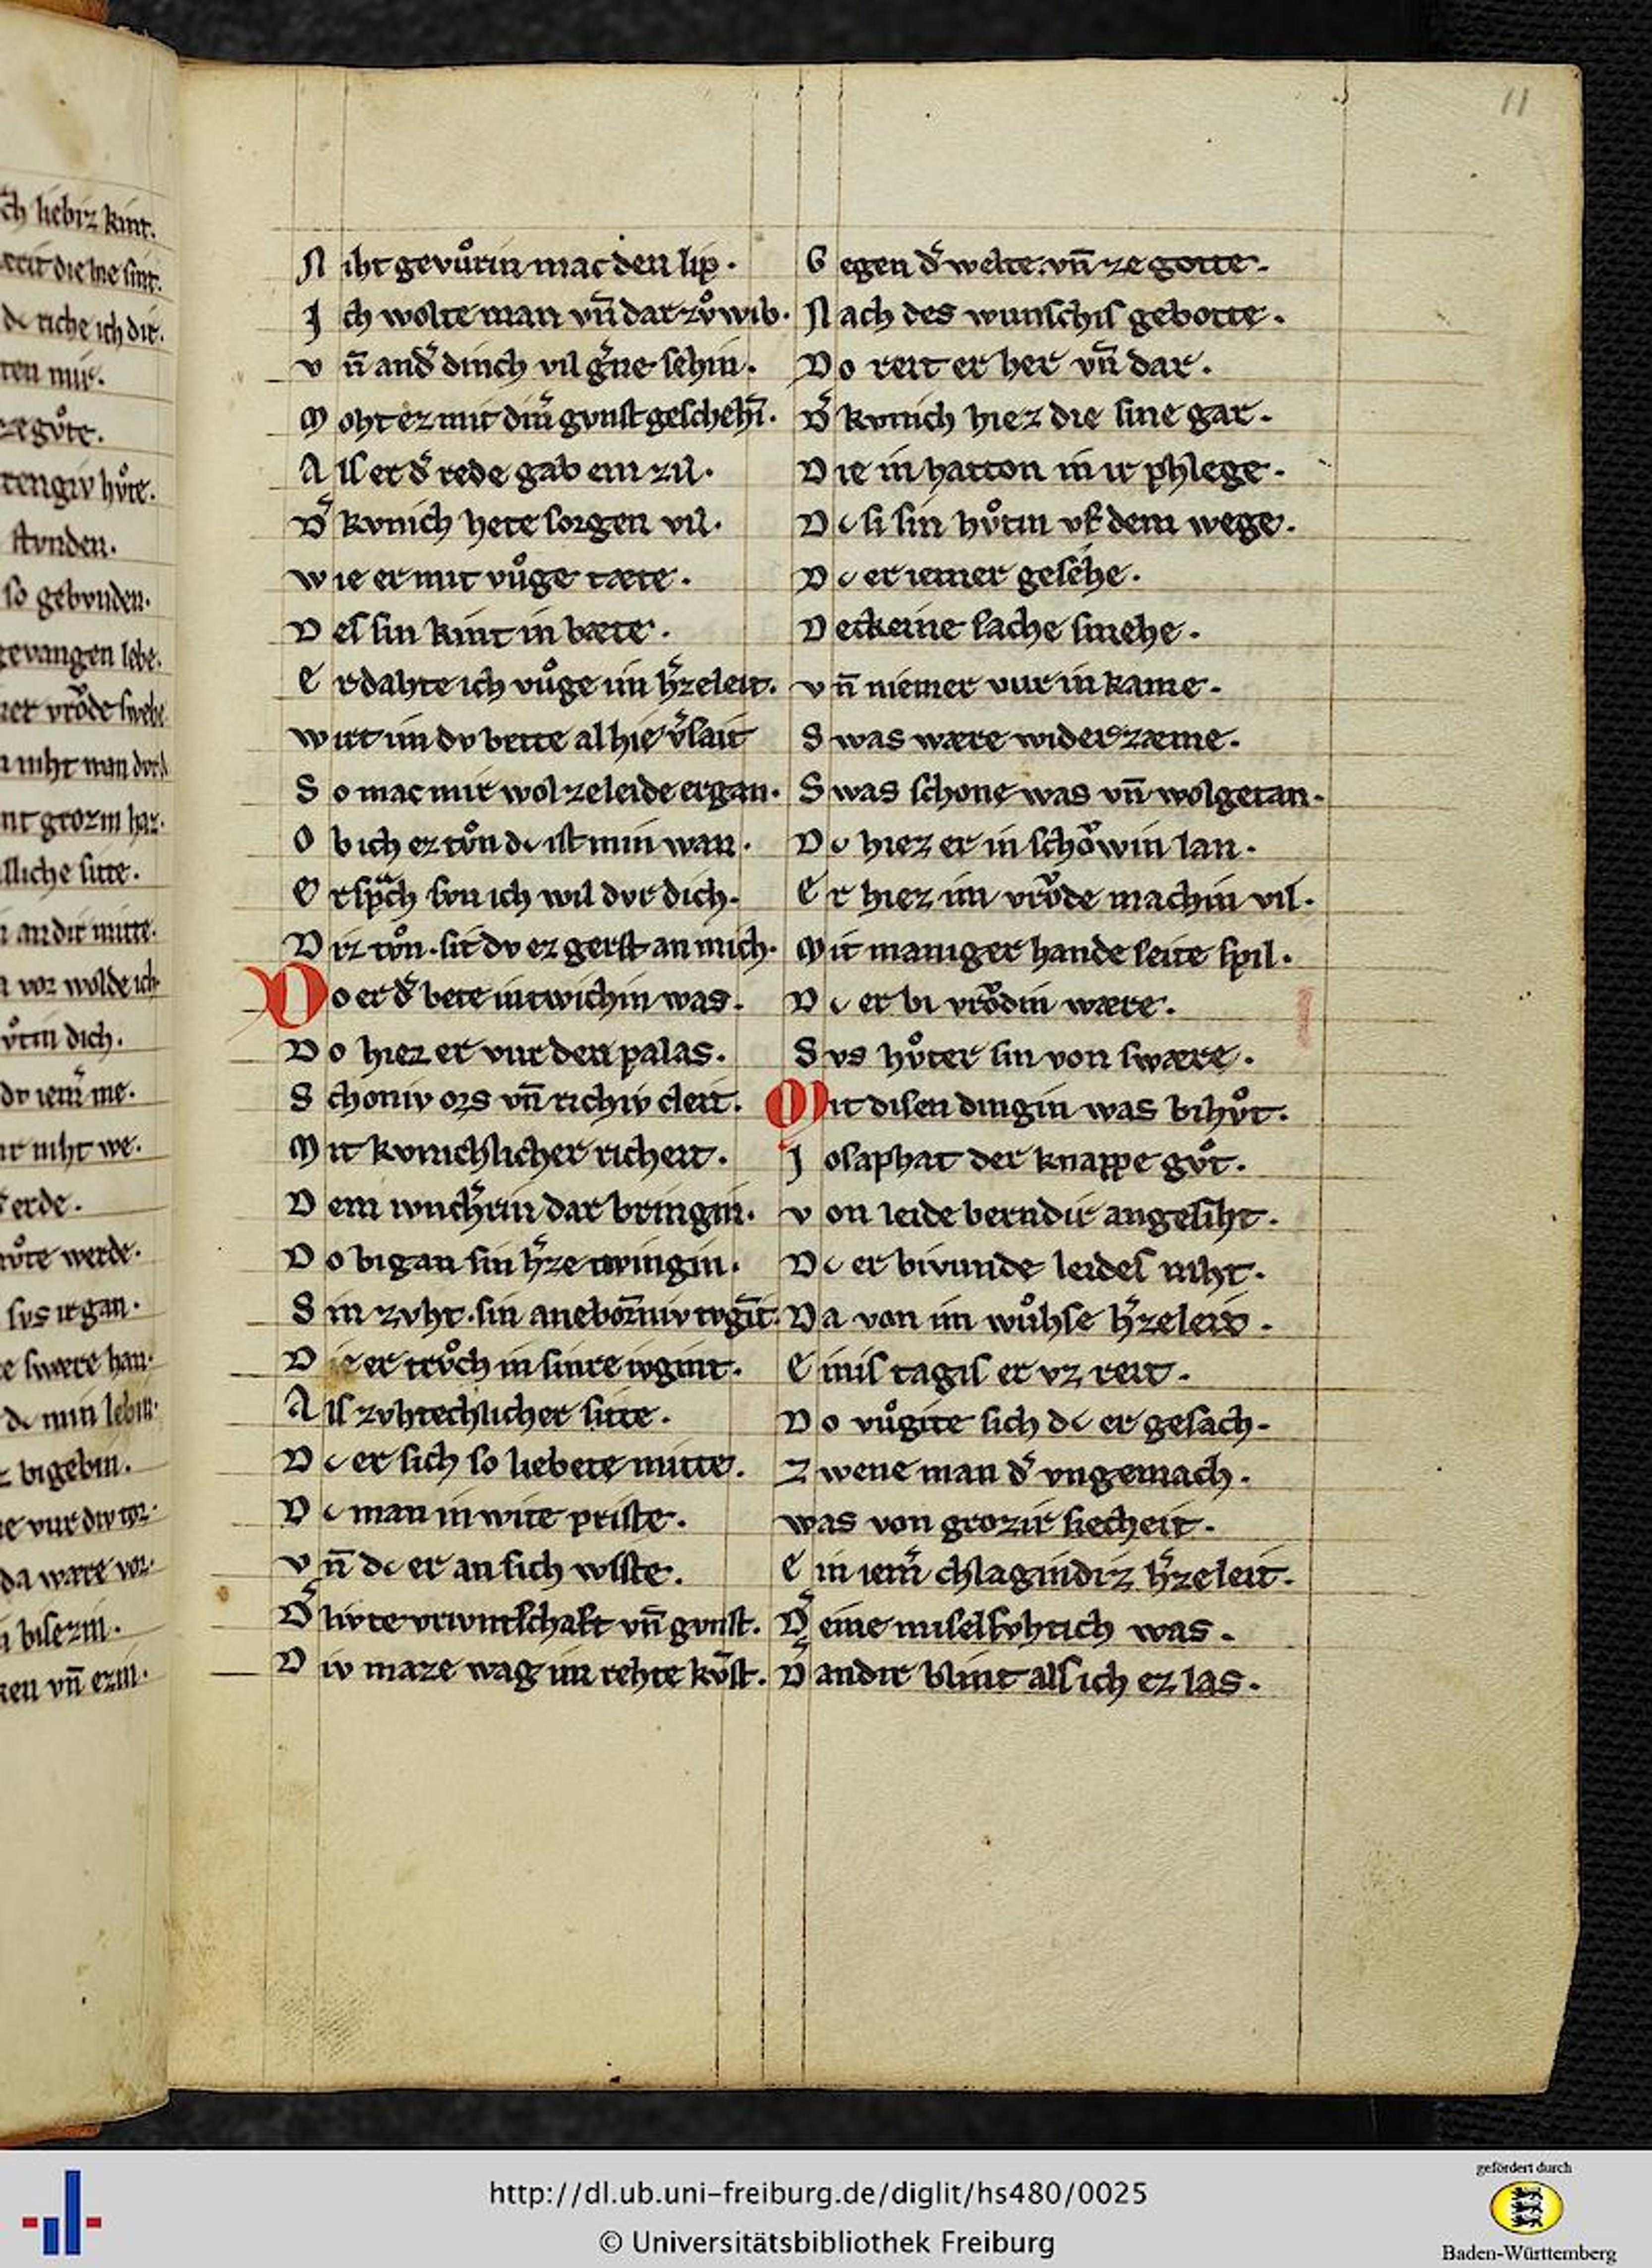Niht gevu°orin mac den lip.
Ich wolte man vn(d) dar zv°o wib.
Vn(d) and(er) dinch vil g(er)ne ſehin.
Moht ez mit din(er) gvnſt geſchehi(n).
Alſ er d(er) rede gab ein zil.
D(er) kvnich hete ſorgen vil.
Wie er mit vu°oge t[ae]te.
Deſ ſin kint in b[ae]te.
Erdahte ich vu°oge im h(er)zeleit.
Wirt im dv bette alhie v(er)ſait.
So mac mir wol zeleide ergan.
Ob ic ez tv°on d(az) iſt min wan.
Erſp(ra)ch ſvn ich wil dvr dich.
Diz tv°on. ſit dv ez gerſt an mich.
*Do er d(er) bete intwichin was.
Do hiez er vur den palas.
Schoniv ors vn(d) richiv cleit.
Mit kvnichlicher richeit.
Dem iunch(er)rin dar bringin.
Do bigan ſin h(er)ze twingin.
Sin zvht. ſin anebor(n)niv tvgi(n)t.
Die er trv°och in ſinre ivgint.
Alſ zvhtechlicher ſitte.
D(az) er ſich ſo liebete mitte.
D(az) man in wite priſte.
Vn(d) d(az) er an ſich wſſte.
D(er) livte vrivntſchaft vn(d) gvnſt.
Div maze wag im rehte kv(n)ſt.
Gegen d(er) welte. vn(d) ze gotte.
Nach des wunſchiſ gebotte.
Do reit er her vn(d) dar.
D(er) kvnich hiez die ſine gar.
Die in hatton in ir phlege.
D(az) ſi ſin hv°otin vf dem wege.
D(az) er iemer geſehe.
Deckeine ſache ſmehe.
Vn(d) niemer vur in kame.
Swas w[ae]re widerz[ae]me.
Swas ſchone was vn(d) wolgetan.
D(az) hiez er in ſcho°vwin lan.
Er hiez im vro°vde machin vil.
Mit maniger hande ſeite ſpil.
D(az) er bi vro°vden w[ae]re.
Svs hv°oter ſin von ſw[ae]re.
*Mit diſen dingin was bihv°ot.
Josaphat der knappe gv°ot.
Von leide berndir angeſiht.
D(az) er bivunde leideſ niht.
Da von im wu°ohſe h(er)zeleit.
Einiſ tagiſ er vz reit.
Do vu°ogite ſich d(az) er geſach.
Zwene man d(er) vngemach.
Was von grozir ſiecheit.
Ein iem(er) chlagindiz h(er)zeleit.
D(erI eine miſelſvhtich was.
D(er) andir blint alſ ich ez las.